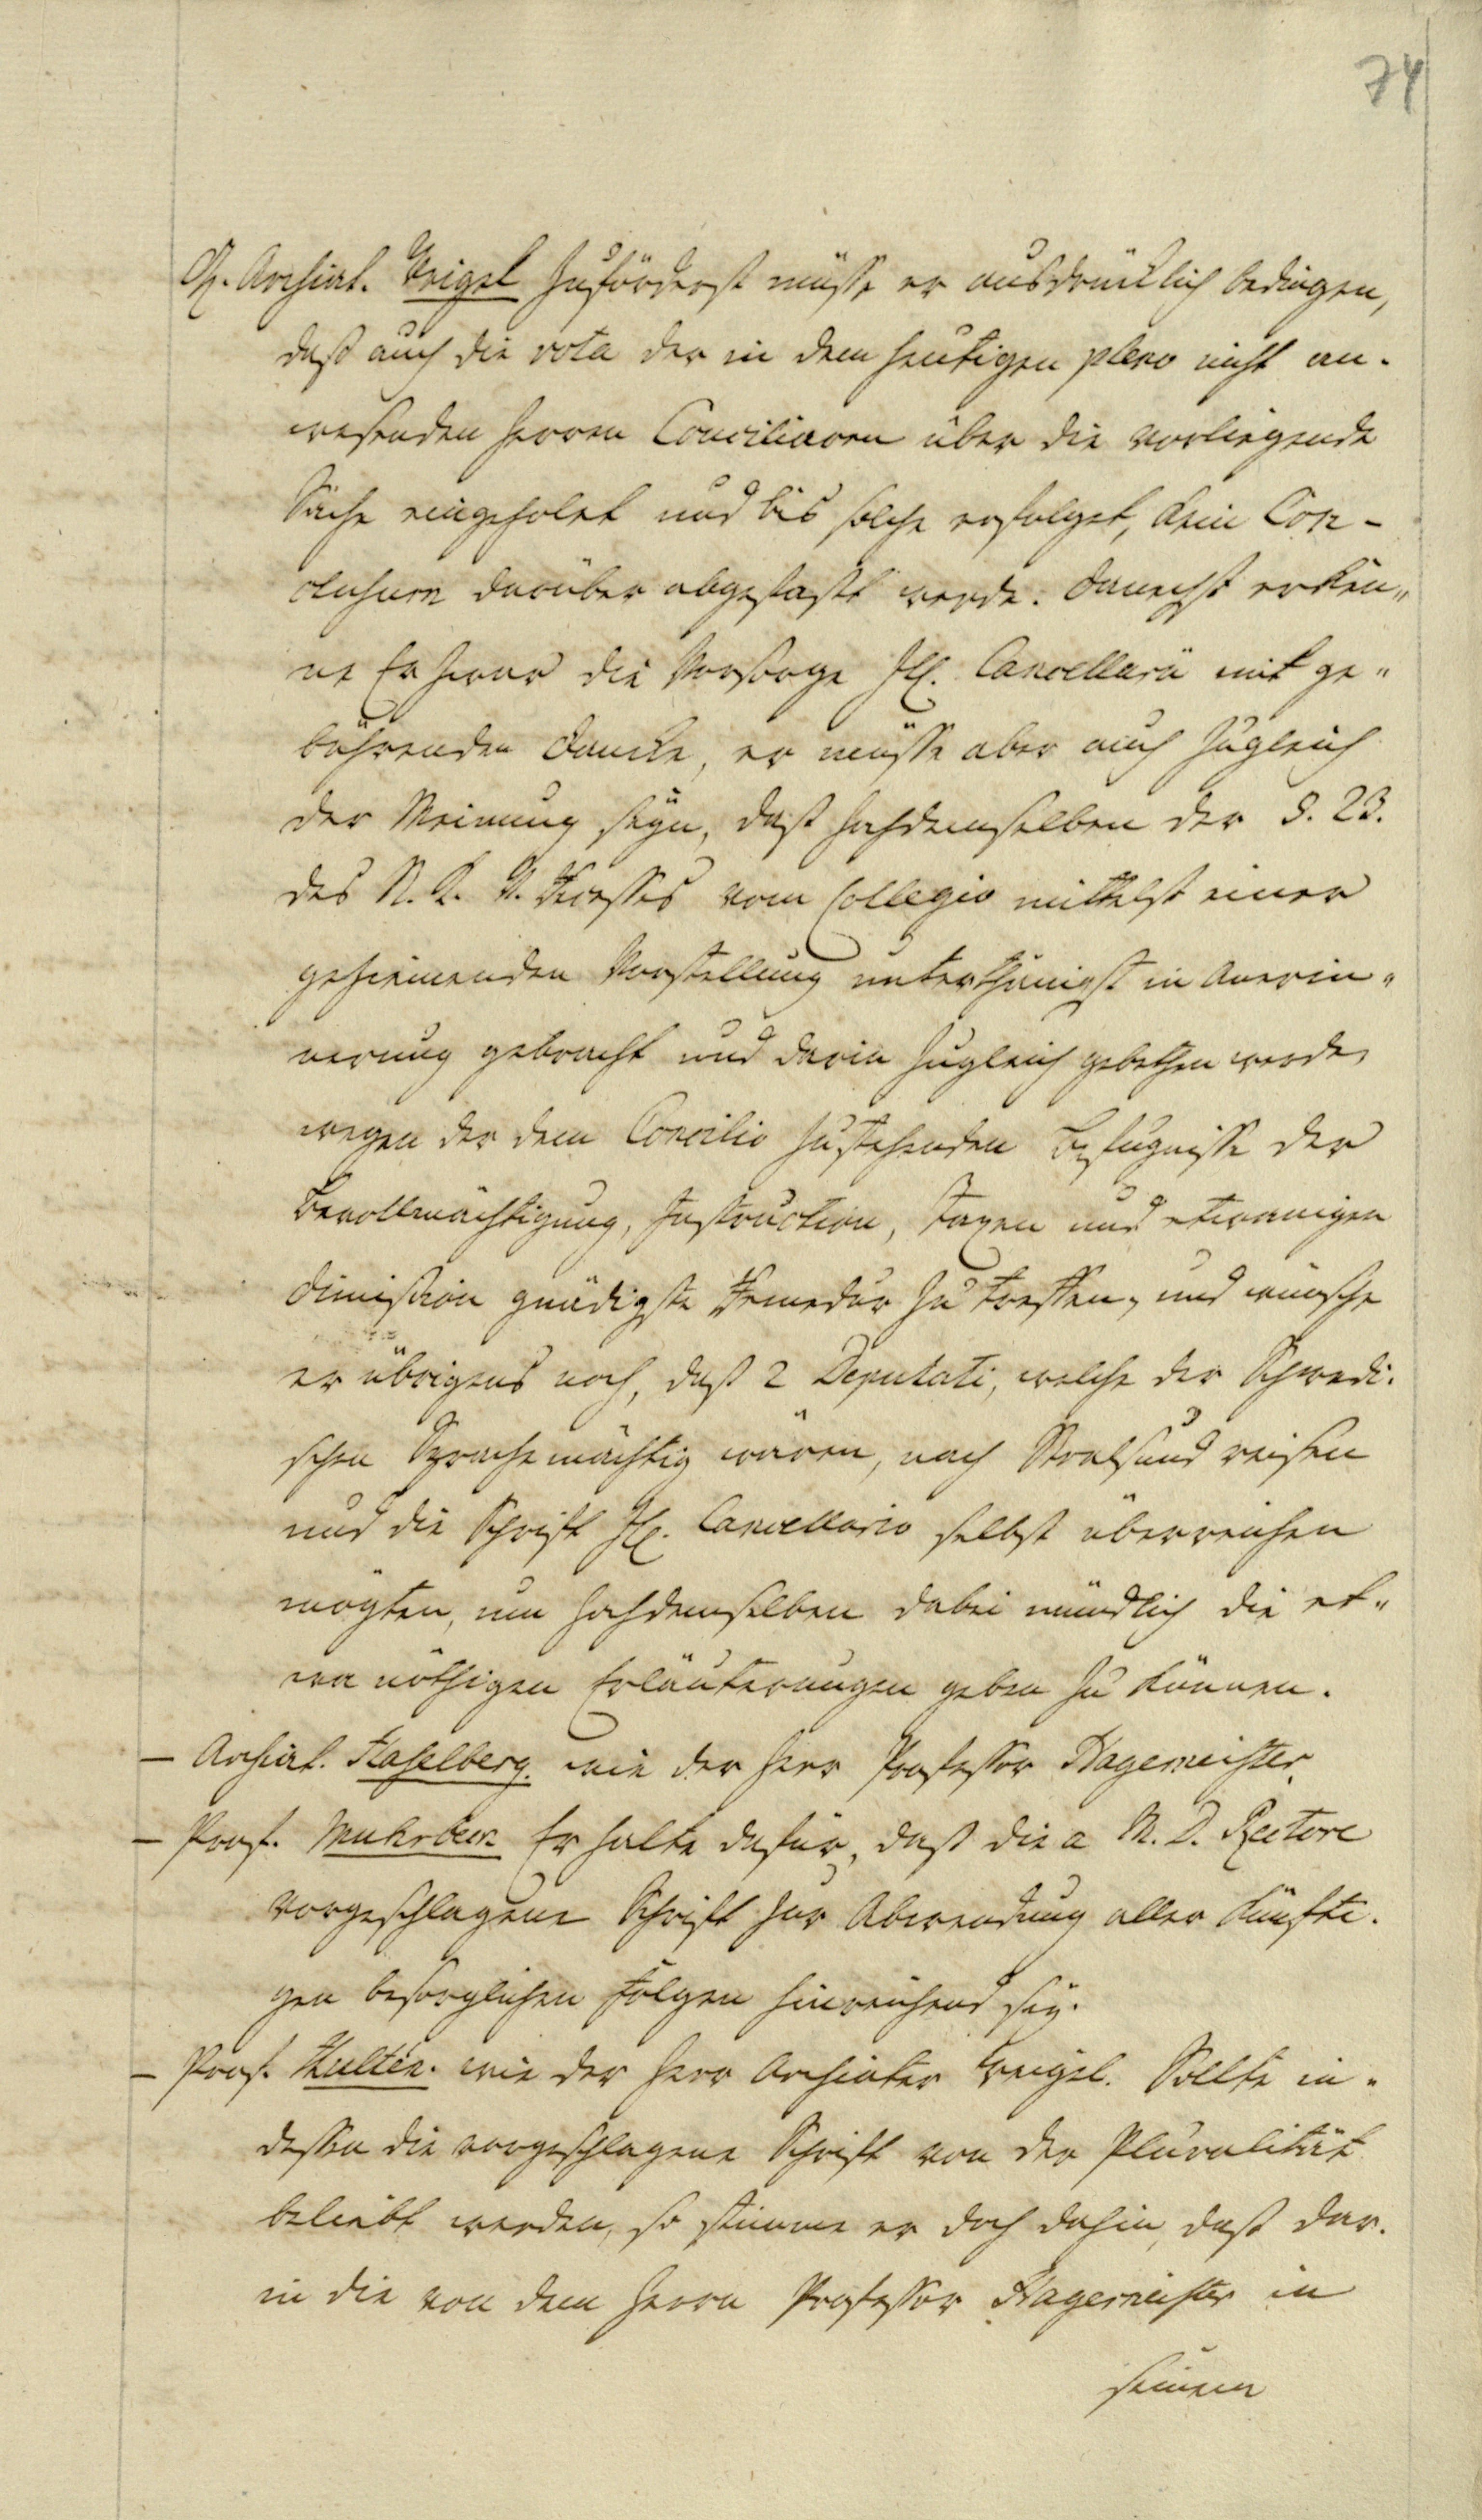dh. Archiat. Weigel. Zuförderst müsse er ausdrücklich bedingen,
daß auch die vota der in dem heutigen pleno nicht an¬
wesenden Herren Conciliaren über die vorliegende
Sache eingeholet und bis solche erfolget, kein Con¬
clusum darüber abgefaßt werde. Danechst erken¬
ne Er zwar die Vorsorge Ill. Cancellarii mit ge¬
bührenden Dancke, er müsse aber auch zugleich
der Meinung seÿn, daß Hochdemselben der §. 23.
des N. . K. Recesses vom Collegio mittelst einer
geziemenden Vorstellung unterthänigst in Anerin¬
nerung gebracht und darin zugleich gebethen werden,
wegen der dem Concilio zustehenden Befugnisse der
Bevollmächtigung, Instruction, Taxen und etwanigen
dimission gnädigste Remedur zu treffen; und wünsche
er übrigens noch, daß 2 Deputati, welche der Schwedi¬
schen Sprache mächtig wären, nach Stralsund reisen
und die Schrift Ill. Cancellario selbst überreichen
mögten, um Hochdemselben dabei mündlich die et¬
wa nöthigen Erläuterungen geben zu können.
Archiat. Haselberg. wie der Herr Professor Hagemeister.
Prof. Muhrbeck. Er halte dafür, daß die a M. D. Rectore
vorgeschlagene Schrift zur Abwendung aller künfti¬
gen besorglichen Folgen hinreichend seÿ.
Prof. Hultén. wie der Herr Archiater Weigel. Sollte in¬
dessen die vorgeschlagene Schrift von der Pluralität
beliebt werden, so stimme er doch dahin, daß dar¬
in die von dem Herrn Professor Hagemeister in
seinem